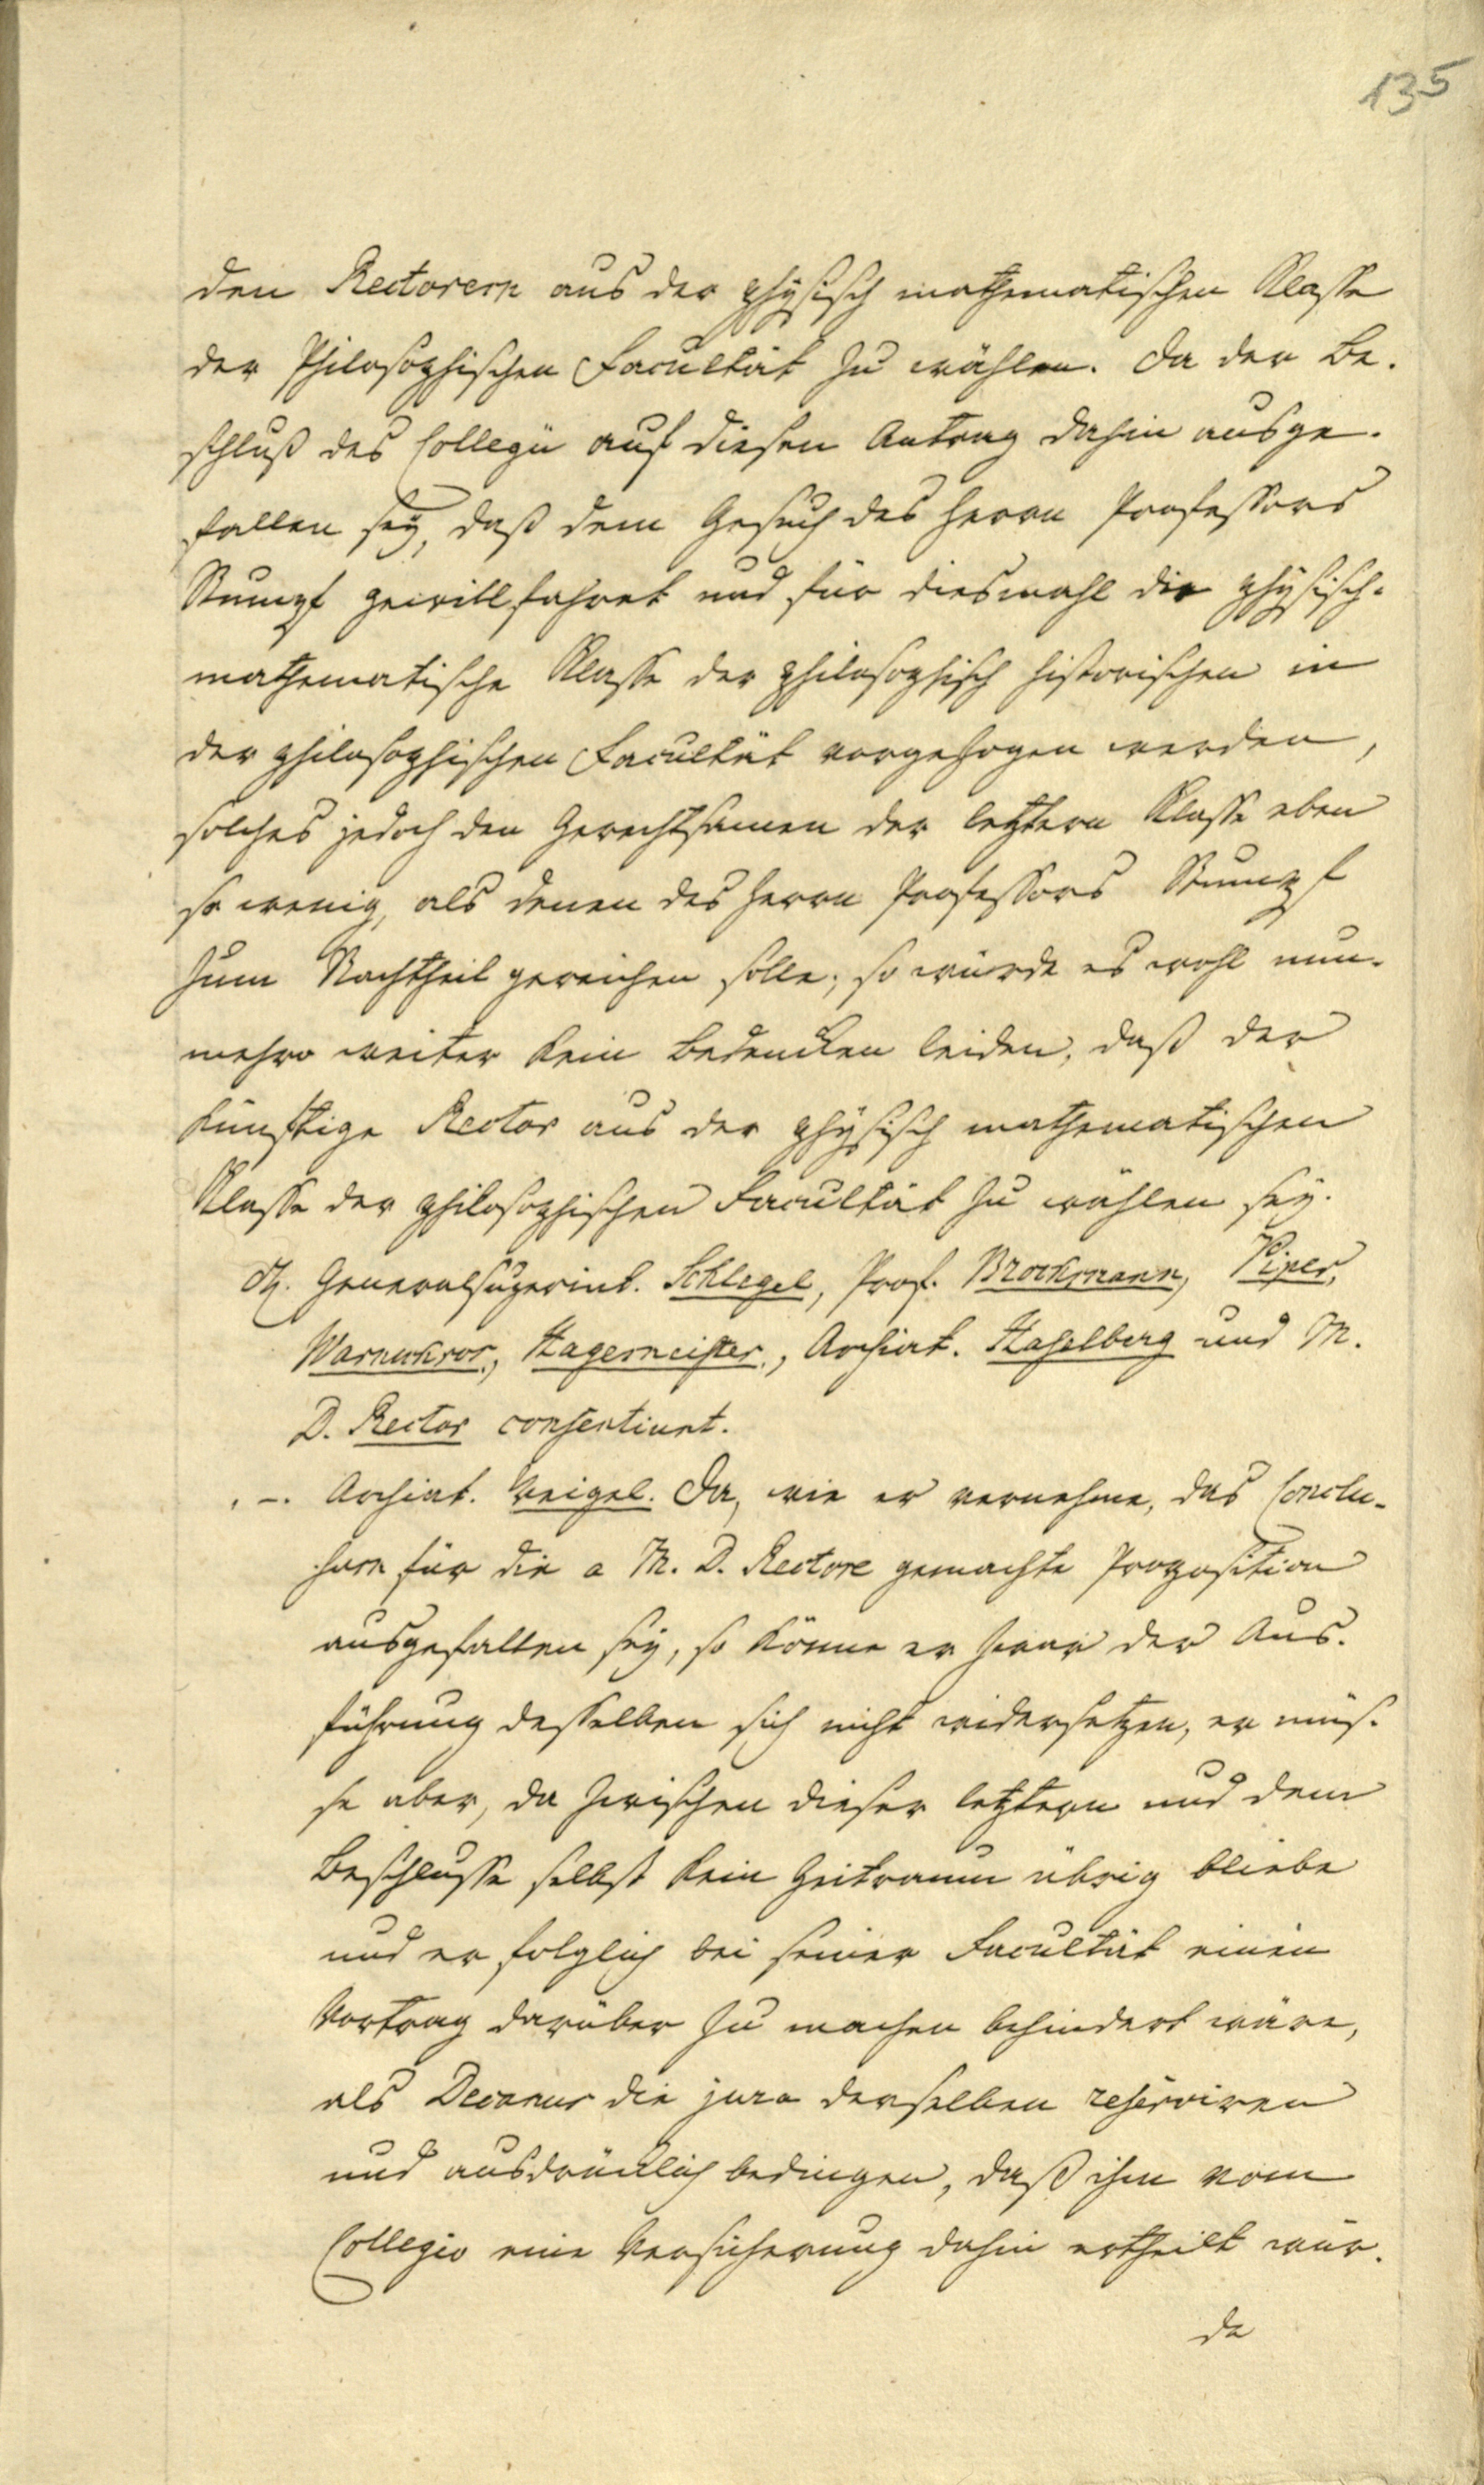den Rectorem aus der phÿsisch mathematischen Klasse
der Philosophischen Facultät zu wählen. Da der Be¬
schluß des Collegii auf diesen Antrag dahin ausge¬
fallen seÿ, daß dem Gesuch des Herrn Professors
Stumpf gewillfahret und für dies mahl die phÿsisch
mathematische Klasse der philosophisch historischen in
der philosophischen Facultät vorgezogen werden,
solches jedoch den Gerechtsamen der letztern Klasse eben
so wenig, als denen des Herrn Professors Stumpf
zum Nachtheil gereichen solle; so würde es wohl nun¬
mehro weiter kein Bedencken leiden, daß der
künftige Rector aus der phÿsisch mathematischen
Klasse der philosophischen Facultät zu wählen seÿ.
dh. Generalsuperint. Schlegel, Prof. Brockmann, Piper,
Warneckros, Hagemeister, Archiat. Haselberg und M.
D. Rector consentiunt.
Archiat. Weigel. Da, wie er vernehme, das Conclu¬
sum für die a M. D. Rectore gemachte Proposition
ausgefallen seÿ, so könne er zwar der Aus¬
führung desselben sich nicht widersetzen, er müs¬
se aber, da zwischen dieser letztern und dem
Beschlusse selbst kein Zeitraum übrig bliebe
und er folglich bei seiner Facultät einen
Vortrag darüber zu machen behindert wäre,
als Decanus die jura derselben reserviren
und ausdrücklich bedingen, daß ihm vom
Collegio eine Versicherung dahin ertheilt wür¬
de